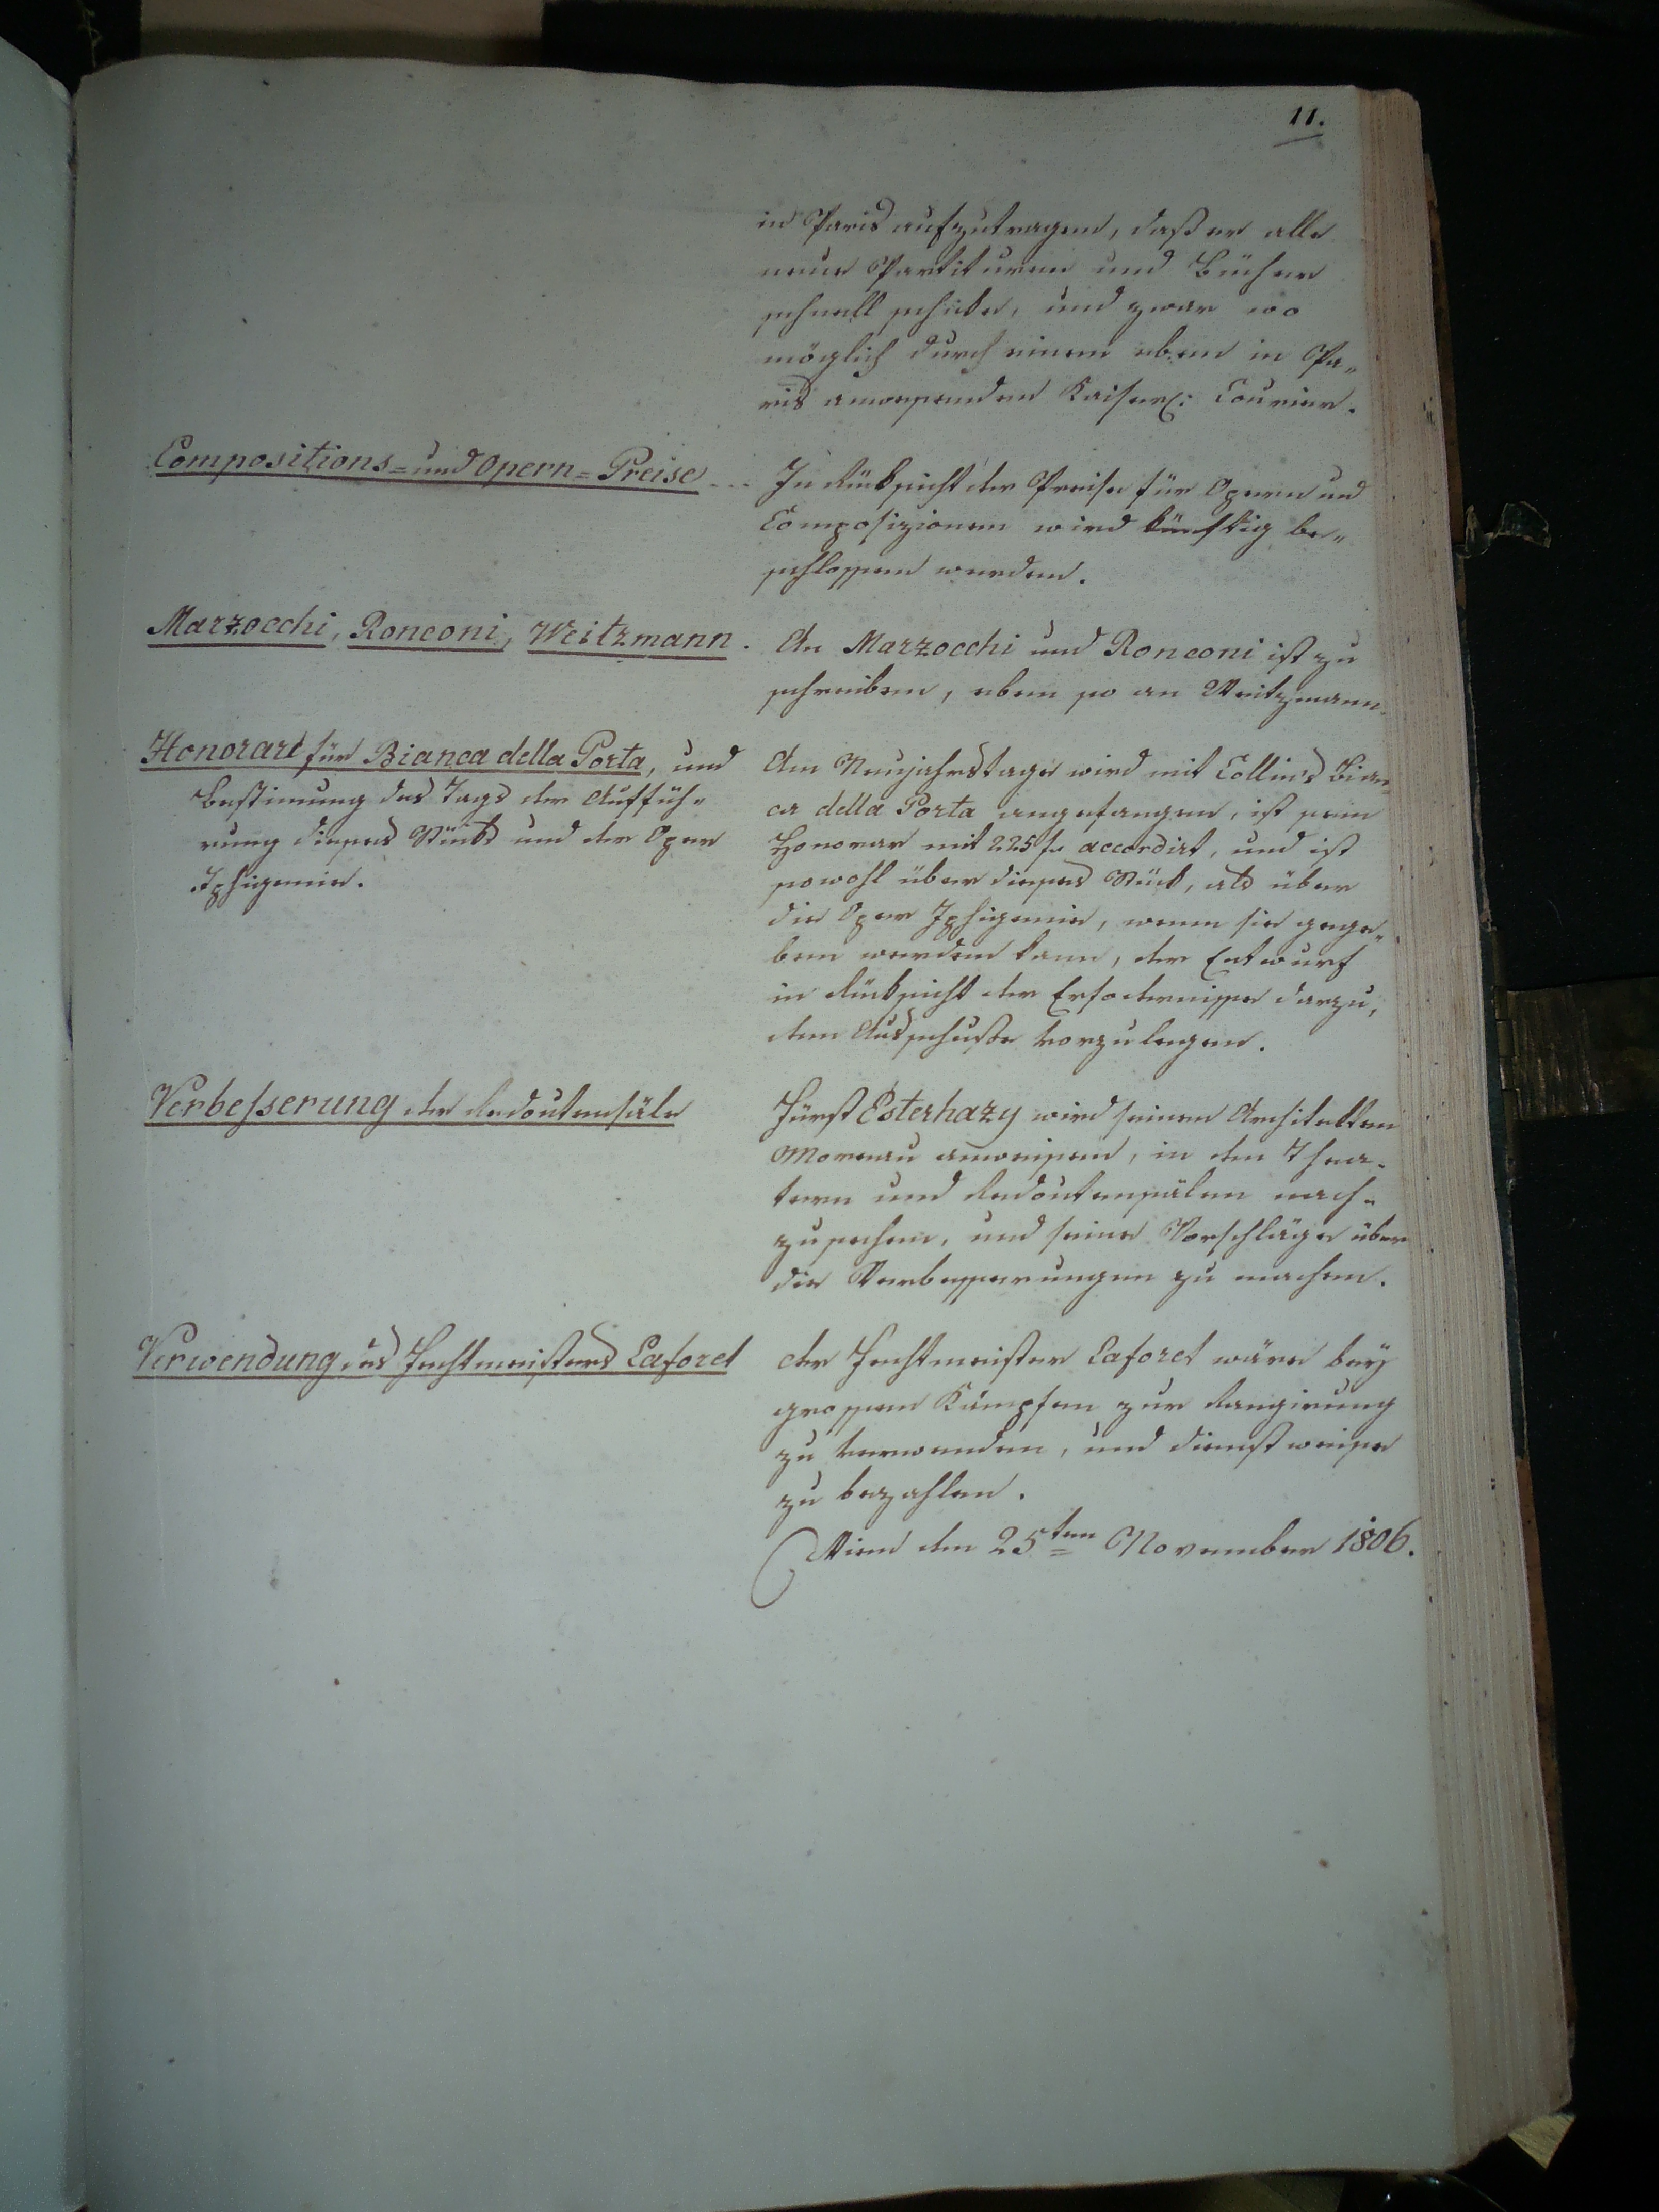11.
in Paris aufzutragen, daß er alle
neue Partituren und Bücher
schnell schicke, und zwar wo
möglich durch einen eben in Pa¬
ris anwesenden kaiserE: Courier.
Compositions ‗ und Opern ‗ Preise … In Rücksicht der Preise für Opern und
Composizionen wird künftig be¬
schlossen werden.
Marzocchi, Ronconi, Weitzmann . An Marzocchi und Ronconi ist zu
schreiben, eben so an Weitzmann.
Honorare für Bianca della Porta, und
Bestimung des Tags der Auffüh¬
rung dieses Stücks und der Oper
Iphigenie.
Am Neujahrstage wird mit Collin‘s Bian¬
ca della Porta angefangen, ist sein
Honorar mit 225 fr accordirt, und ist
sowohl über dieses Stück, als über
die Oper Ipghigenie, wenn sie gege¬
ben werden kann, der Entwurf
in Rücksicht der Erfodernisse darzu,
dem Ausschusse vorzulegen.
Verbesserung der Redoutensäle Fürst Esterhazy wird seinen Architekten
Morenau anweisen, in den Thea¬
tern und Redoutensälen nach¬
zusehen, und seine Vorschläge über
die Verbesserungen zu machen.
Verwendung des Fechtmeisters Caforet Der Fechtmeister Caforet wäre bey
grossen Kämpfen zur Rangirung
zu verwenden, und dienst weise
zu bezahlen.
Wien den 25t͇en November 1806.